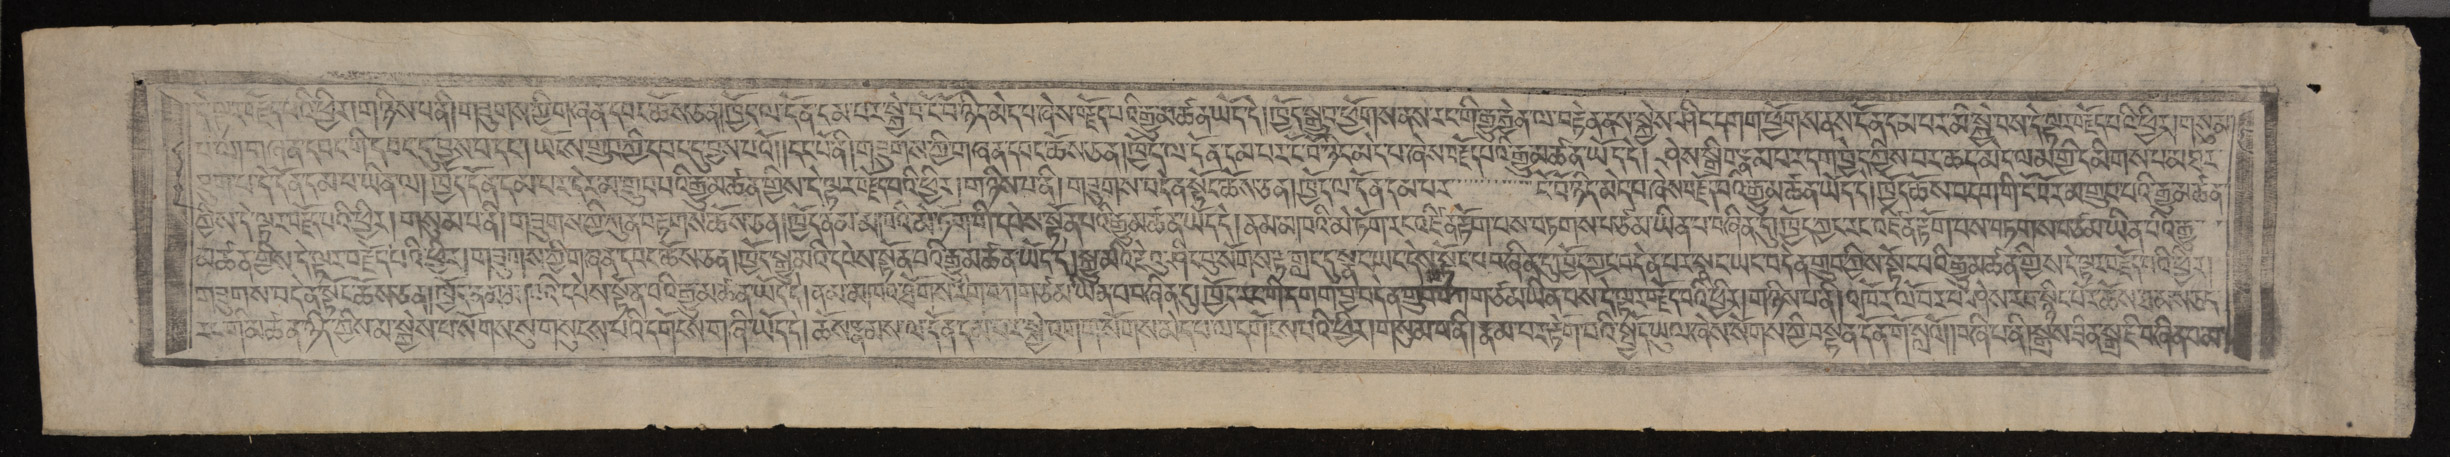དེ་ལྟར་བརྗོད་པའི་ཕྱིར། གཉིས་པ་ནི། གཟུགས་ཀྱི་གཞན་དབང་ཆོས་ཅན། ཁྱོད་ལ་དོན་དམ་པར་སྐྱེ་བ་ངོ་བོ་ཉིད་མེད་པ་ཞེས་བརྗོད་པའི་རྒྱུ་མཚན་ཡོད་དེ། ཁྱོད་སྒྲུབ་ཕྱོགས་ནས་རང་གི་རྒྱུ་རྐྱེན་ལ་བརྟེན་ནས་སྐྱེས་ཤིང་དགག་ཕྱོགས་ནས་དོན་དམ་པར་མི་སྐྱེ་བས་དེ་ལྟར་བརྗོད་པའི་ཕྱིར། གསུམ་
པ་ལ། གཞན་དབང་གི་དབང་དུ་བྱས་པ་དང་། ཡོངས་གྲུབ་ཀྱི་དབང་དུ་བྱས་པའོ། །དང་པོ་ནི། གཟུགས་ཀྱི་གཞན་དབང་ཆོས་ཅན། ཁྱོད་ལ་དོན་དམ་པར་ངོ་བོ་ཉིད་མེད་པ་ཞེས་བརྗོད་པའི་རྒྱུ་མཚན་ཡོད་དེ། ཤེས་སྒྲིབ་རྣམ་པར་དག་བྱེད་ཀྱིས་བར་ཆད་མེད་ལམ་གྱི་དམིགས་པ་མཐར་
ཐུག་པ་དེ་དོན་དམ་པ་ཡིན་ལ། ཁྱོད་དོན་དམ་པར་དོར་མ་གྲུབ་པའི་རྒྱུ་མཚན་གྱིས་དེ་ལྟར་བརྗོད་པའི་ཕྱིར། གཉིས་པ་ནི། གཟུགས་བདེན་སྟོང་ཆོས་ཅན། ཁྱོད་ལ་དོན་དམ་པར་ངོ་བོ་ཉིད་མེད་པ་ཞེས་བརྗོད་པའི་རྒྱུ་མཚན་ཡོད་དེ། ཁྱོད་ཆོས་བདག་གི་ངོ་བོར་མ་གྲུབ་པའི་རྒྱུ་མཚན་
གྱིས་དེ་ལྟར་བརྗོད་པའི་ཕྱིར། གསུམ་པ་ནི། གཟུགས་ཀྱི་ཀུན་བརྟགས་ཆོས་ཅན། ཁྱོད་ནམ་མཁའི་མེ་ཏོག་གི་དཔེས་སྟོན་པའི་རྒྱུ་མཚན་ཡོད་དེ། ནམ་མཁའི་མེ་ཏོག་རང་འཛིན་རྟོག་པས་བཏགས་པ་ཙམ་ཡིན་པ་བཞིན་དུ། ཁྱོད་ཀྱང་རང་འཛིན་རྟོག་པས་བཏགས་པ་ཙམ་ཡིན་པའི་རྒྱུ་
མཚན་གྱིས་དེ་ལྟར་བརྗོད་པའི་ཕྱིར། གཟུགས་ཀྱི་གཞན་དབང་ཆོས་ཅན། ཁྱོད་སྒྱུ་མའི་དཔེས་སྟོན་པའི་རྒྱུ་མཚན་ཡོད་དེ། སྒྱུ་མའི་རྡེའུ་ཤིང་བུ་སོགས་རྟ་གླང་དུ་སྣང་ཡང་དེས་སྟོང་པ་བཞིན་དུ་ཁྱོད་ཀྱང་བདེན་པར་སྣང་ཡང་བདེན་གྲུབ་ཀྱིས་སྟོང་པའི་རྒྱུ་མཚན་གྱིས་དེ་ལྟར་བརྗོད་པའི་ཕྱིར།
གཟུགས་བདེན་སྟོང་ཆོས་ཅན། ཁྱོད་ནམ་མཁའི་དཔེས་སྟོན་པའི་རྒྱུ་མཚན་ཡོད་དེ། ནམ་མཁའི་ཐོགས་རིག་བཀག་ཙམ་ཡིན་པ་བཞིན་དུ། ཁྱོད་རང་གི་དགག་བྱ་བདེན་གྲུབ་བཀག་ཙམ་ཡིན་པས་དེ་ལྟར་བརྗོད་པའི་ཕྱིར། གཉིས་པ་ནི། འཁོར་ལོ་བར་པ་ཤེས་རབ་སྙིང་པོར་ཆོས་ཐམས་ཅད་
རང་གི་མཚན་ཉིད་ཀྱིས་མ་སྐྱེས་པ་སོགས་སུ་གསུངས་པའི་དགོངས་གཞི་ཡོད་དེ། ཆོས་རྣམས་ལ་དོན་དམ་པར་སྐྱེ་འགག་སོགས་མེད་པ་ལ་དགོངས་པའི་ཕྱིར། གསུམ་པ་ནི། རྣམ་པར་རྟོག་པའི་སྤྱོད་ཡུལ་ཞེས་སོགས་ཀྱི་བསྟན་དོན་གོ་སླའོ། །བཞི་པ་ནི། སྒྲས་ཟིན་སྒྲ་ཇི་བཞིན་པ་མ་